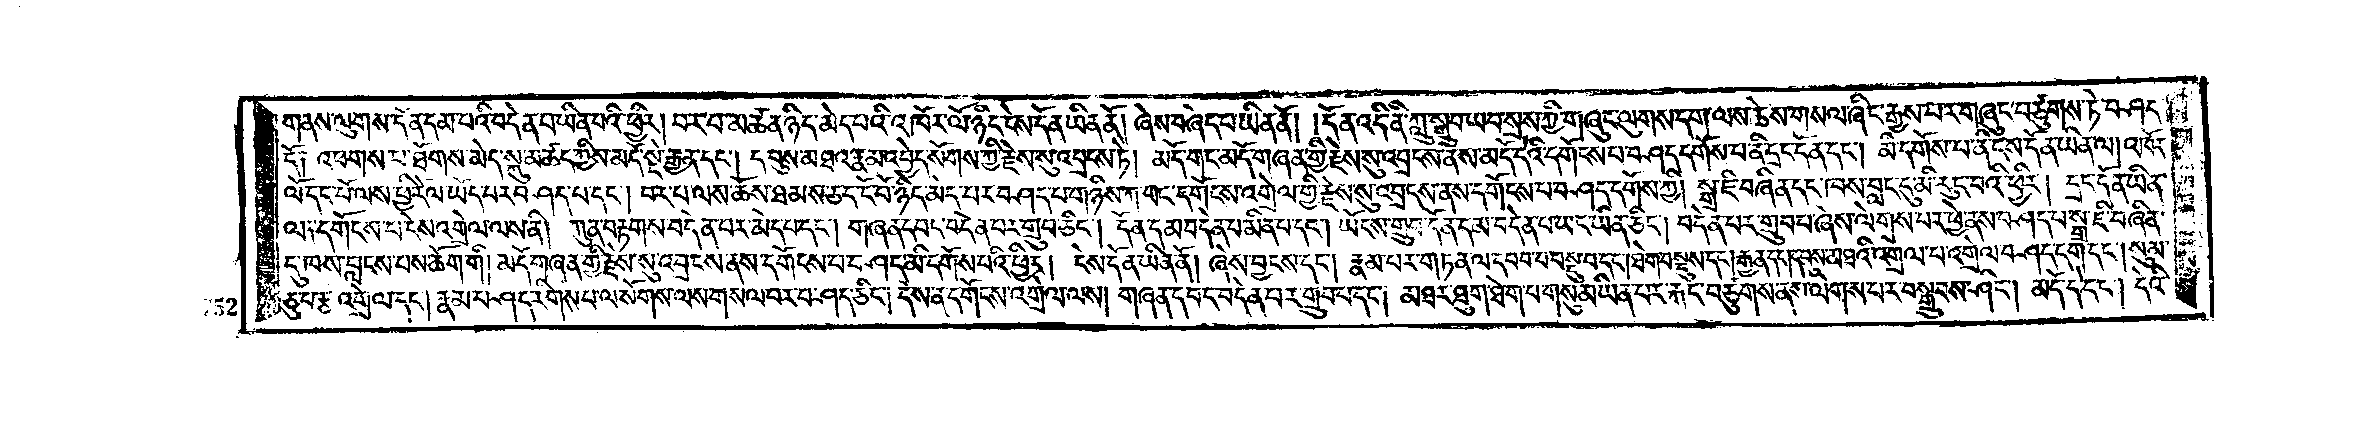གནས་ལུགས་དོན་དམ་པའི་བདེན་པ་ཡིན་པའི་ཕྱིར། བར་པ་མཚན་ཉིད་མེད་པའི་འཁོར་ལོ་ཉིད་ངེས་དོན་ཡིན་ནོ། ཞེས་བཞེད་པ་ཡིན་ནོ། །དོན་འདི་ནི་ཀླུ་སྒྲུབ་ཡབ་སྲས་ཀྱི་གཞུང་ལུགས་དག་ལས་ཆེས་གསལ་ཞིང་རྒྱས་པར་གཞུང་བཙུགས་ཏེ་བཤད་
དོ༑ འཕགས་པ་ཐོགས་མེད་སྐུ་མཚད་ཀྱིས་མདོ་སྡེ་རྒྱན་དང་། དབུས་མཐའ་རྣམ་འབྱེད་སོགས་ཀྱི་རྗེས་སུ་འབྲངས་ཏེ། མདོ་གང་མདོ་གཞན་གྱི་རྗེས་སུ་འབྲངས་ནས་མདོ་དེའི་དགོངས་པ་བཤད་དགོས་པ་ནི་དྲང་དོན་དང་། མི་དགོས་པ་ནི་ངེས་དོན་ཡིན་ལ། འཁོར་
ལོ་དང་པོ་ལས་ཕྱི་རོལ་ཡོད་པར་བཤད་པ་དང་། བར་པ་ལས་ཆོས་ཐམས་ཅད་ངོ་བོ་ཉིད་མེད་པར་བཤད་པ་གཉིས་ཀ་ཡང་དགོངས་འགྲེལ་གྱི་རྗེས་སུ་འབྲངས་ནས་དགོངས་པ་བཤད་དགོས་ཀྱི། སྒྲ་ཇི་བཞིན་དང་ཁས་བླང་དུ་མི་རུང་བའི་ཕྱིར། དྲང་དོན་ཡིན་
ལ༑ དགོངས་པ་ངེས་འགྲེལ་ལས་ནི། ཀུན་བརྟགས་བདེན་པར་མེད་པ་དང་། གཞན་དབང་བདེན་པར་གྲུབ་ཅིང་། དོན་དམ་བདེན་པ་མིན་པ་དང་། ཡོངས་གྲུབ་དོན་དམ་བདེན་པ་ཡང་ཡིན་ཅིང་། བདེན་པར་གྲུབ་པ་ཞེས་ལེགས་པར་ཕྱེ་ནས་བཤད་པ་སྒྲ་ཇི་བཞིན་
དུ་ཁས་བླངས་པས་ཆོག་གི། མདོ་གཞན་གྱི་རྗེས་སུ་འབྲངས་ནས་དགོངས་པ་བཤད་མི་དགོས་པའི་ཕྱིར། ངེས་དོན་ཡིན་ནོ། ཞེས་བྱང་ས་དང་། རྣམ་པར་གཏན་ལ་དབབ་པ་བསྡུ་བ་དང་། ཐེག་བསྡུས་དང་། རྒྱན་དང་། དབུས་མཐའི་འགྲེལ་པ་འགྲེལ་བཤད་དག་དང་། སུམ་
ཅུ་པ་རྩ་འགྲེལ་དང་། རྣམ་བཤད་རིགས་པ་ལ་སོགས་ལས་གསལ་བར་བཤད་ཅིང་། དེས་ན་དགོངས་འགྲེལ་ལས། གཞན་དབང་བདེན་པར་གྲུབ་པ་དང་། མཐར་ཐུག་ཐེག་པ་གསུམ་ཡིན་པར་རྐང་བཙུགས་ནས་ལེགས་པར་བསྒྲུབས་ཤིང་། མདོ་དེ་དང་། དེའི་